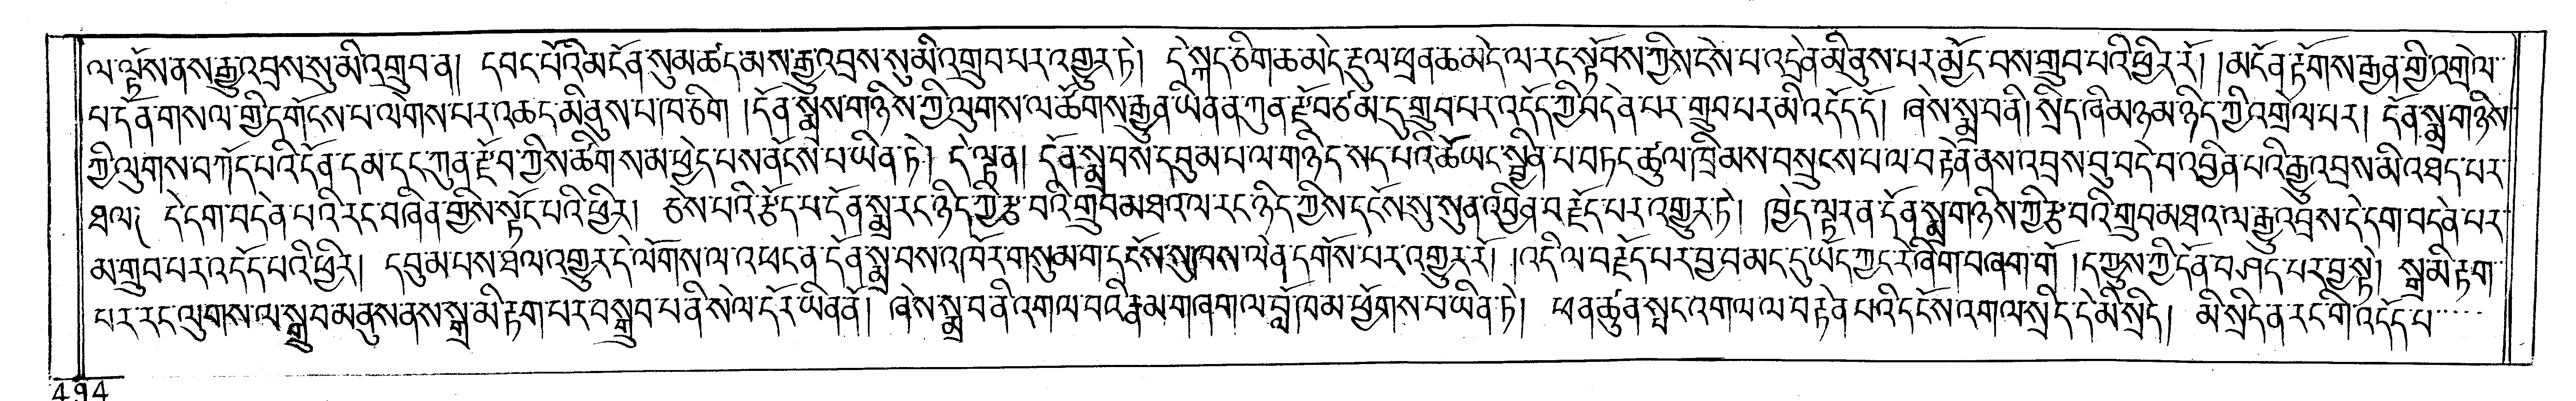ལ་ལྟོས་ནས་རྒྱུ་འབྲས་སུ་མི་འགྲུབ་ན། དབང་པོའི་མངོན་སུམ་ཚད་མས་རྒྱུ་འབྲས་སུ་མི་འགྲུབ་པར་འགྱུར་ཏེ། དེ་སྐད་ཅིག་ཆ་མེད་རྡུལ་ཕྲན་ཆ་མེད་ལ་རང་སྟོབས་ཀྱིས་ངེས་པ་འདྲེན་མི་ནུས་པར་མྱོང་བས་གྲུབ་པའི་ཕྱིར་རོ། །མངོན་རྟོགས་རྒྱན་གྱི་འགྲེལ་
པ་དོན་གསལ་གྱི་དགོངས་པ་ལེགས་པར་འཆད་མི་ནུས་པ་ཁ་ཅིག །དོན་སྨྲས་གཉིས་ཀྱི་ལུགས་ལ་ཚོགས་རྒྱུན་ཡིན་ན་ཀུན་རྫོབ་ཙམ་དུ་གྲུབ་པར་འདོད་ཀྱི་བདེན་པར་གྲུབ་པར་མི་འདོད་དོ། ཞེས་སྨྲ་བ་ནི། སྲིད་ཞི་མཉམ་ཉིད་ཀྱི་འགྲེལ་བར། དོན་སྨྲ་གཉིས་
ཀྱི་ལུགས་བཀོད་པའི་དོན་དམ་དང་ཀུན་རྫོབ་ཀྱི་ས་ཚིགས་མ་ཕྱེད་པས་ནོངས་པ་ཡིན་ཏེ། དེ་ལྟ་ན། དོན་སྨྲ་བས་དབུ་མ་པ་ལ་གཉིད་སང་པའི་ཚེ་ཡང་སྦྱིན་པ་བཏང་ཚུལ་ཁྲིམས་བསྲུངས་པ་ལ་བརྟེན་ནས་འབྲས་བུ་བདེ་བ་འབྱིན་པའི་རྒྱུ་འབྲས་མི་འཐད་པར་
ཐལ༑ དེ་དག་བདེན་པའི་རང་བཞིན་གྱིས་སྟོང་བའི་ཕྱིར། ཅེས་པའི་རྩོད་པ་དོན་སྨྲ་རང་ཉིད་ཀྱི་རྩ་བའི་གྲུབ་མཐའ་ལ་རང་ཉིད་ཀྱིས་དངོས་སུ་སུན་འབྱིན་བརྗོད་པར་འགྱུར་ཏེ། ཁྱེད་ལྟར་ན་དོན་སྨྲ་གཉིས་ཀྱི་རྩ་བའི་གྲུབ་མཐའ་ལ་རྒྱུ་འབྲས་དེ་དག་བདེན་པར་
མ་གྲུབ་པར་འདོད་པའི་ཕྱིར། དབུ་མ་པས་ཐལ་འགྱུར་དེ་ལོགས་ལ་འཕང་ན་དོན་སྨྲ་བས་འཁོར་གསུམ་ག་དངོས་སུ་ཁས་ལེན་དགོས་པར་འགྱུར་རོ། །འདི་ལ་བརྗོད་པར་བྱ་བ་མང་དུ་ཡོད་ཀྱང་རེ་ཞིག་བཞག་གོ །དཀྱུས་ཀྱི་དོན་བཤད་པར་བྱ་སྟེ། སྒྲ་མི་རྟག་
པར་རང་ལུགས་ལ་སྒྲུབ་མ་ནུས་ནས་སྒྲ་མི་རྟག་པར་བསྒྲུབ་པ་ནི་སེལ་ངོར་ཡིན་ནོ། ཞེས་སྨྲ་བ་ནི་འགལ་བའི་རྣམ་གཞག་ལ་བློ་ཁ་མ་ཕྱོགས་པ་ཡིན་ཏེ། ཕན་ཚུན་སྤང་འགལ་ལ་བརྟེན་པའི་དངོས་འགལ་སྲིད་དེ་མི་སྲིད། མི་སྲིད་ན་རང་གི་འདོད་པ་